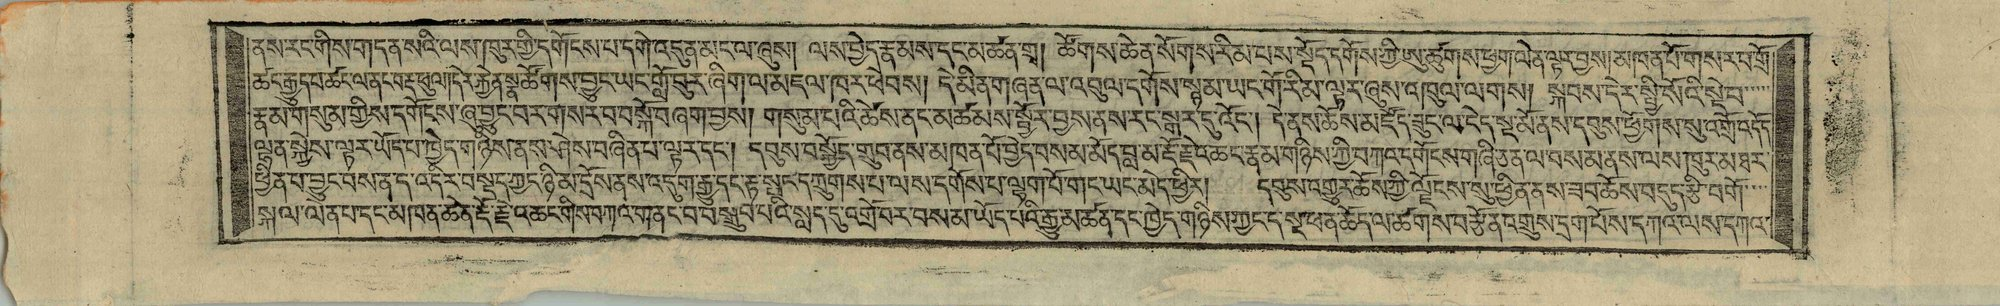ནས་རང་གིས་གདན་སའི་ལས་ཁུར་གྱི་དགོངས་པ་དགེ་འདུན་མང་ལ་ཞུས། ལས་བྱེད་རྣམས་དང་མཚན་གྲྭ། ཚོགས་ཆེན་སོགས་རིམ་པས་སྡོད་དགོས་ཀྱི་ཨུ་ཚུགས་ཕྱག་ལེན་ལྟར་བྱས། མཁན་པོ་གསར་བ་གྲོ་
ཚང་རྒྱུད་པ་ཚང་ལ་ནང་བརྡ་ཕུལ། དེར་རྐྱེན་སྣ་ཚོགས་བྱུང་ཡང་གློ་བུར་ཞིག་ལ་མཇལ་ཁར་ཕེབས། དེ་མིན་གཞན་ལ་འབུལ་དགོས་སྙམ་ཡང་གོ་རིམ་ལྟར་ཞུས་འཁུལ་ལགས། སྐབས་དེར་སྤྱི་སོའི་སྡེ་བ་
རྣམ་གསུམ་གྱིས་དགོངས་ཞུ་བྱུང་བར་གསར་བ་བསྐོ་བཞག་བྱས། གསུམ་པའི་ཚེས་ནང་མཚམས་སྦྱོར་བྱས་ནས་རང་སྒར་དུ་འོང་། དེ་ནས་ཆོས་མཛོད་ཟུང་ལ་ངེད་སྔ་མོ་ནས་དབུས་ཕྱོགས་སུ་འགྲོ་འདོད་
ལྷན་སྐྱེས་ལྟར་ཡོད་པ་ཁྱེད་གཉིས་ནས་ཤེས་བཞིན་པ་ལྟར་དང་། དབུས་བསྐྱོད་གྲུབ་ནས་མཁན་པོ་བྱེད་བསམ་མོད་བླ་མ་རྡོ་རྗེ་འཆང་རྣམ་གཉིས་ཀྱི་བཀའ་དགོངས་གཞི་ཅན་ལ་བསམ་ནས་ལས་ཁུར་མཐར་
ཕྱིན་པ་བྱུང་བས་ན་ད་འདིར་བསྡད་ཀྱང་ཉི་མ་དྲོས་ནས་འདུག་རྒྱུ་དང་རྟ་སྤང་དཀྲུགས་པ་ལས་དགོས་པ་ལྷག་པོ་གང་ཡང་མེད་ཕྱིར། དབུས་འགྱུར་ཆོས་ཀྱི་ལྗོངས་སུ་ཕྱིན་ནས་ཟབ་ཆོས་བདུད་རྩི་བགོ་
སྐལ་ལེན་པ་དང་མཁན་ཆེན་རྡོ་རྗེ་འཆང་གིས་བཀའ་གནང་བ་བསྒྲུབ་པའི་སླད་དུ་འགྲོ་བར་བསམ་ཡོད་པའི་རྒྱུ་མཚན་དང་ཁྱེད་གཉིས་ཀྱང་ད་སྔ་ཕན་ཆོད་ལ་ཚགས་བརྩོན་འགྲུས་དྲག་པོས་དཀའ་ལས་དཀའ་